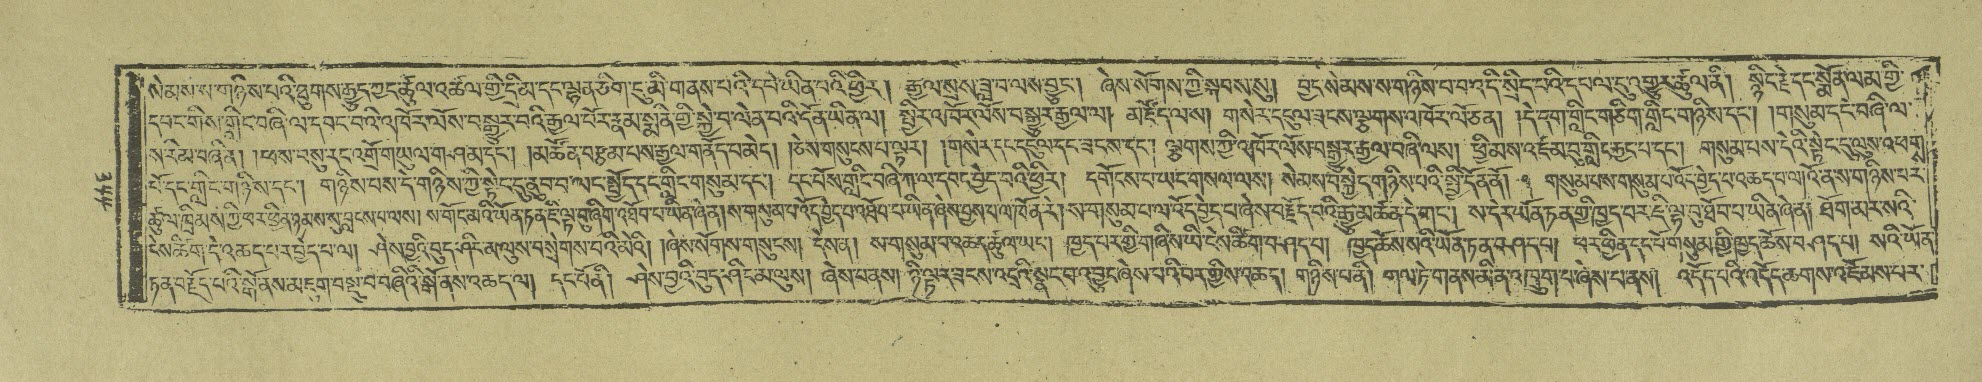སེམས་ས་གཉིས་པའི་ཐུགས་རྒྱུད་ཀྱང་ཚུལ་འཚལ་གྱི་དྲི་མ་དང་ལྷན་ཅིག་དུ་མི་གནས་པའི་དཔེ་ཡིན་པའི་ཕྱིར། རྒྱལ་སྲས་ཟླ་བ་ལས་བྱུང་། ཞེས་སོགས་ཀྱི་སྐབས་སུ། བྱང་སེམས་ས་གཉིས་པ་བ་འདི་སྲིད་པའི་དཔལ་དུ་འགྱུར་ཚུལ་ནི། སྙིང་རྗེ་དང་སྨོན་ལམ་གྱི་
དབང་གིས་གླིང་བཞི་ལ་དབང་བའི་འཁོར་ལོས་བསྒྱུར་པའི་རྒྱལ་པོར་རྣམ་སྨིན་གྱི་སྐྱེ་བ་ལེན་པའི་དོན་ཡིན་ལ། སྤྱིར་འཁོར་ལོས་བསྒྱུར་རྒྱལ་ལ། མཛོད་ལས། གསེར་དངུལ་ཟངས་ལྕགས་འཁོར་ལོ་ཅན། །དེ་དག་གླིང་གཅིག་གླིང་གཉིས་དང་། །གསུམ་དང་བཞི་ལ་
ས་རིམ་བཞིན། །ཕས་བསུ་རང་འགྲོ་གཡུལ་གཤམ་དང་། །མཚོན་བརྩམ་པས་རྒྱལ་གནོད་པ་མེད། །ཅེས་གསུངས་པ་ལྟར། །གསེར་དང་དངུལ་དང་ཟངས་དང་། ལྕགས་ཀྱི་འཁོར་ལོས་བསྒྱུར་རྒྱལ་བཞི་ལས། ཕྱི་མས་འཛམ་བུ་གླིང་རྐྱང་པ་དང་། གསུམ་པས་དེའི་སྟེང་དུ་ལུས་འཕགས་
པོ་དང་གླིང་གཉིས་དང་། གཉིས་པས་དེ་གཉིས་ཀྱི་སྟེང་དུ་ནུབ་པ་ལང་སྤྱོད་དང་གླིང་གསུམ་དང་། དང་པོས་གླིང་བཞི་ཀ་ལ་དབང་བྱེད་པའི་ཕྱིར། དགོངས་པ་ཡང་གསལ་ལས། སེམས་བསྐྱེད་གཉིས་པའི་སྤྱི་དོན་ནོ། ༈ གསུམ་པས་གསུམ་པ་འོད་བྱེད་པ་འཆད་པ་ལ། འོ་ན་ས་གཉིས་པར་
ཚུལ་ཁྲིམས་ཀྱི་ཕར་ཕྱིན་ཉམས་སུ་བླངས་པ་ལས། ས་གོང་མའི་ཡོན་ཏན་ཇི་ལྟ་བུ་ཞིག་འཐོབ་པ་ཡིན་ཞེ་ན། ས་གསུམ་པ་འོད་བྱེད་པ་འཐོབ་པ་ཡིན་ཞེས་བྱས་པ་ལ་ཁོ་ན་རེ། ས་གསུམ་པ་ལ་འོད་བྱེད་པ་ཞེས་བརྗོད་པའི་རྒྱུ་མཚན་དེ་གང་། ས་དེར་ཡོན་ཏན་གྱི་ཁྱད་པར་ཇི་ལྟ་བུ་ཐོབ་པ་ཡིན་ཞེ་ན། ཐོག་མར་སའི་
ངེས་ཚིག་དེ་འཆད་པར་བྱེད་པ་ལ། ཤེས་བྱའི་བུད་ཤིང་མ་ལུས་བསྲེགས་པའི་མེའི། །ཞེས་སོགས་གསུངས། དེས་ན། ས་གསུམ་པ་འཆད་ཚུལ་ཡང་། ཁྱད་པར་གྱི་གཞིས་ཡི་ངེས་ཚིག་བཤད་པ། ཁྱད་ཆོས་སའི་ཡོན་ཏན་བཤད་པ། ཕར་ཕྱིན་དང་པོ་གསུམ་གྱི་ཁྱད་ཆོས་བཤད་པ། སའི་ཡོན་
ཏན་བརྗོད་པའི་སྒོ་ནས་མཇུག་བསྡུ་བ་བཞིའི་སྒོ་ནས་འཆད་ལ། དང་པོ་ནི། ཤེས་བྱའི་བུད་ཤིང་མ་ལུས། ཞེས་པ་ནས། ཉི་ལྟར་ཟངས་འདྲའི་སྣང་བ་འབྱུང་ཞེས་པའི་བར་གྱིས་འཆད། གཉིས་པ་ནི། གལ་ཏེ་གནས་མིན་འཁྲུག་པ་ཞེས་པ་ནས། འདོད་པའི་འདོད་ཆགས་འཇོམས་པར་